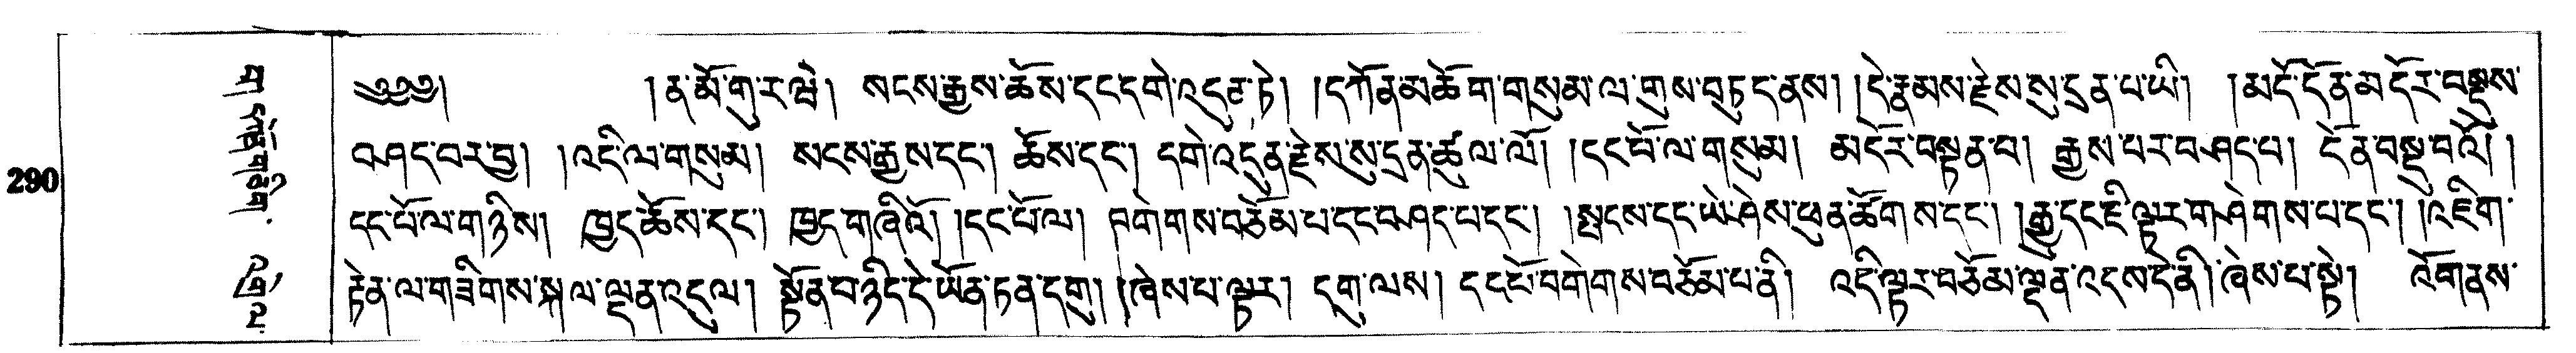༄༅༅། །ན་མོ་གུ་ར་ཝེ། སངས་རྒྱས་ཆོས་དང་དགེ་འདུན་ཏེ། །དཀོན་མཆོག་གསུམ་ལ་གུས་བཏུད་ནས། །དེ་རྣམས་རྗེས་སུ་དྲན་པ་ཡི། །མདོ་དོན་མདོར་བསྡུས་
བཤད་པར་བྱ། །འདི་ལ་གསུམ། སངས་རྒྱས་དང་། ཆོས་དང་། དགེ་འདུན་རྗེས་སུ་དྲན་ཚུལ་ལོ། །དང་པོ་ལ་གསུམ། །མདོར་བསྟན་པ། རྒྱས་པར་བཤད་པ། དོན་བསྡུ་བའོ། །
དང་པོ་ལ་གཉིས། ཁྱད་ཆོས་དང་། ཁྱད་གཞིའོ། །དང་པོ་ལ། །བགེགས་བཅོམ་པ་དང་བཤད་པ་དང་། །སྤངས་དང་ཡེ་ཤེས་ཕུན་ཚོགས་དང་། །རྒྱུ་དང་ཇི་ལྟར་གཤེགས་པ་དང་། །འཇིག་
རྟེན་ལ་གཟིགས་སྐལ་ལྡན་འདུལ། །སྟོན་པ་ཉིད་དེ་ཡོན་ཏན་དགུ། །ཞེས་པ་ལྟར། དགུ་ལས། དང་པོ་བགེགས་བཅོམ་པ་ནི། འདི་ལྟར་བཅོམ་ལྡན་འདས་དེ་ནི། ཞེས་པ་སྟེ། འོག་ནས་